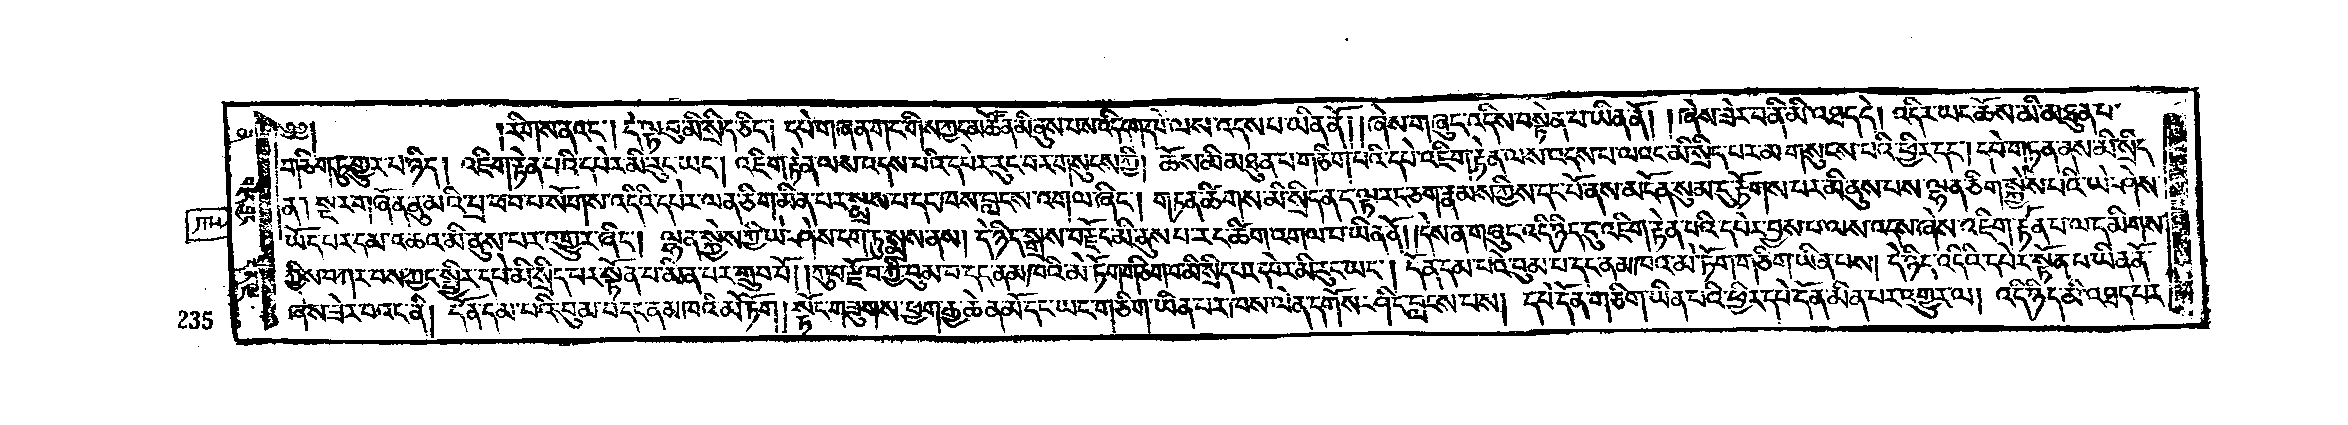༄༅། །རིགས་ནའང་། དེ་ལྟ་བུ་མི་སྲིད་ཅིང་།དཔེ་གཞན་གང་གིས་ཀྱང་མཚོན་མི་ནུས་པས་འདི་དག་དཔེ་ལས་འདས་པ་ཡིན་ནོ། །ཞེས་གཞུང་འདིས་བསྟེན་པ་ཡིན་ནོ། །ཞེས་ཟེར་བ་ནི་མི་འཐད་དེ། འདིར་ཡང་ཆོས་མི་མཐུན་པ་
གཅིག་ཏུ་གྱུར་པ་ཉིད། འཇིག་རྟེན་པའི་དཔེར་མི་རུང་ཡང་། འཇིག་རྟེན་ལས་འདས་པའི་དཔེར་རུང་བར་གསུངས་ཀྱི། ཆོས་མི་མཐུན་པ་གཅིག་པའི་དཔེ་འཇིག་རྟེན་ལས་འདས་པ་ལའང་མི་སྲིད་པར་མ་གསུངས་པའི་ཕྱིར་དང་།དཔེ་གཏན་ནས་མི་སྲིད་
ན། སྔར་གཞོན་ནུ་མའི་པྲ་ཕབ་པ་སོགས་འདིའི་དཔེར་ལན་ཅིག་མིན་པར་སྨྲས་པ་དང་ཁས་བླངས་འགལ་ཞིང་། གཏན་ཚིགས་མི་སྲིད་ན་ད་ལྟ་རང་ཅག་རྣམས་ཀྱིས་དང་པོ་ནས་མངོན་སུམ་དུ་རྟོགས་པར་མི་ནུས་པས་ལྷན་ཅིག་སྐྱེས་པའི་ཡེ་ཤེས་
ཡོད་པར་དམ་འཆའ་མི་ནུས་པར་འགྱུར་ཞིང་། ལྷན་སྐྱེས་ཀྱི་ཡེ་ཤེས་ངག་ཏུ་སྨྲས་ནས། དེ་ཉིད་སྒྲས་བརྗོད་མི་ནུས་པ་རང་ཚིག་འགལ་བ་ཡིན་ནོ། །དེས་ན་གཞུང་འདི་ཉིད་དུ་འཇིག་རྟེན་པའི་དཔེར་བྱས་པ་ལས་འདས་ཞེས་འཇིག་རྟེན་པ་ལ་དམིགས་
ཀྱིས་བཀར་བས་ཀྱང་སྤྱིར་དཔེ་མི་སྲིད་པར་སྟོན་པ་མིན་པར་གྲུབ་བོ། །ཀུན་རྫོབ་ཀྱི་བུམ་པ་དང་ནམ་མཁའི་མེ་ཏོག་གཅིག་པ་མི་སྲིད་པར་དཔེར་མི་རུང་ཡང་། དོན་དམ་པའི་བུམ་པ་དང་ནམ་མཁའ་མེ་ཏོག་གཅིག་ཡིན་པས། དེ་ཉིད་འདིའི་དཔེར་སྟོན་པ་ཡིན་ནོ་
ཞེས་ཟེར་བའང་ནི། དོན་དམ་པའི་བུམ་པ་དང་ནམ་མཁའི་མེ་ཏོག །སྟོང་གཟུགས་ཕྱག་རྒྱ་ཆེན་མོ་དང་ཡང་གཅིག་ཡིན་པར་ཁས་ལེན་དགོས་ཤིང་བླངས་པས། དཔེ་དོན་གཅིག་ཡིན་པའི་ཕྱིར་དཔེ་དོན་མིན་པར་འགྱུར་ལ། འདི་ཉིད་མི་འཐད་པར་